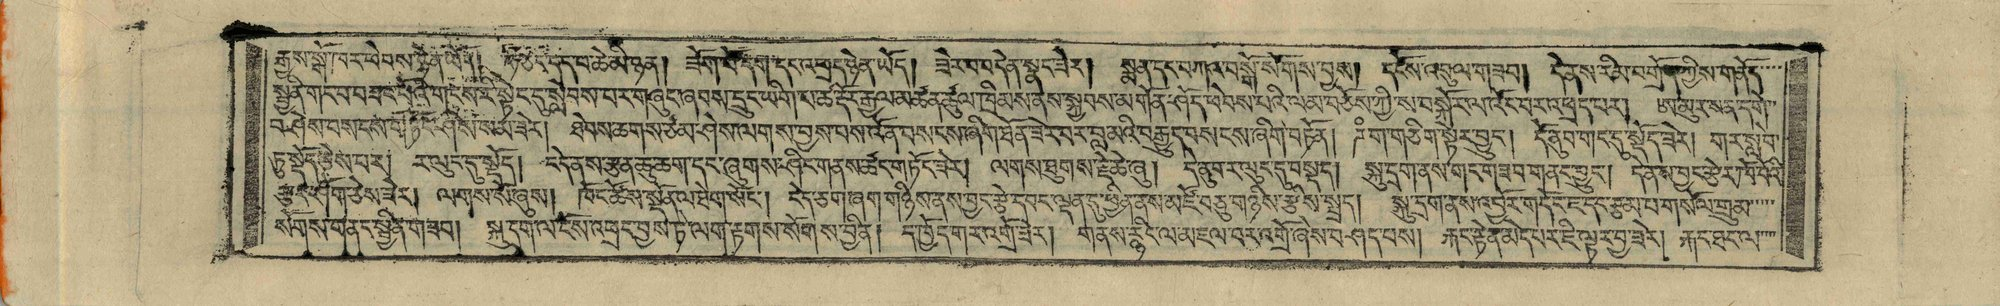རྒྱས་སྒོ་ཁར་ཕེབས་ཉེན་ཡོད། ཧ་ཅང་དད་པ་ཆེ་མི་ཉན། ཟོག་པོ་དག་དང་འཕྲད་ཉེན་ཡོད། ཟེར་བ་བདེན་སྣང་ཟེར། སྨན་དང་བཀའ་བསྒོ་སོགས་བྱས། དངོས་འབུལ་གཟབ། དེ་ནས་རིམ་བགྲོད་ཀྱིས་གནོད་
སྦྱིན་གང་བ་བཟང་པོའི་གངས་རི་སྟེང་དུ་སླེབས་པར་གཞུང་ཞབས་དྲུང་ཡིག་པ་ཚ་རྡོར་རྒྱལ་མཚན་ཚུལ་ཁྲིམས་ནས་སྐྱབས་མགོན་ཤོད་ཕེབས་པའི་ལམ་བཅོས་ཀྱི་ས་བསྐོར་ལ་འོང་བར་འཕྲད་པར། ཨ་མུར་སན་དགེ་
བཤེས་བསངས་གཏོང་ཤེས་སམ་ཟེར། ཐེབས་ཆགས་ཙམ་ཤེས་ལགས་བྱས་པས་འོ་ན་བསངས་ཞིག་ཐོན་ཟེར་བར་བླ་མའི་བརྒྱུད་བསངས་ཞིག་བཏོན། ཌཾ་ག་གཅིག་སྟེར་བྱུང་། དོ་ནུབ་གང་དུ་སྡོད་ཟེར། གར་སླེབ་
ཏུ་སྡོད་ཅེས་པར། ར་ལུང་དུ་སྡོད། ངེད་ནས་རྩན་ཆུ་ཆག་དང་ཞུགས་ཤིང་གནས་ཚང་གཏོང་ཟེར། ལགས་ཐུགས་རྗེ་ཆེ་ཞུ། དེ་ནུབ་ར་ལུང་དུ་བསྡད། སྐུ་དྲག་ནས་གང་གཟབ་གནང་བྱུང་། དེ་ནས་བྱང་རྩེར་ཁོ་བའི་
རྩར་ཤོག་ཅེས་ཟེར། ལགས་སོ་ཞུས། ཁོང་ཚོས་སྔོན་ལ་ཐེག་སོང་། ངེད་ཅག་ཞག་གཉིས་ནས་བྱང་རྩེ་དབང་ལྡན་དུ་ཕྱིན་ནས་མཛོ་བཅུ་གཉིས་རྩིས་སྤྲད། སྐུ་དྲག་ནས་འབྱོར་གདོང་ཇ་དང་རྩམ་པ་གསོལ་གྲུམ་
སོགས་གནང་སྦྱིན་གཟབ། སྐུ་དྲག་ལ་ངོས་འཕྲང་བྱས་ཏེ་ལག་རྟགས་སོགས་བྱིན། ད་ཁྱོད་གར་འགྲོ་ཟེར། གནས་རྙིང་ལ་མཇལ་བར་འགྲོ་ཞེས་བཤད་པས། རྐང་རྟེན་མེད་པར་ཇི་ལྟར་བྱ་ཟེར། རྐང་ཐང་ལ་